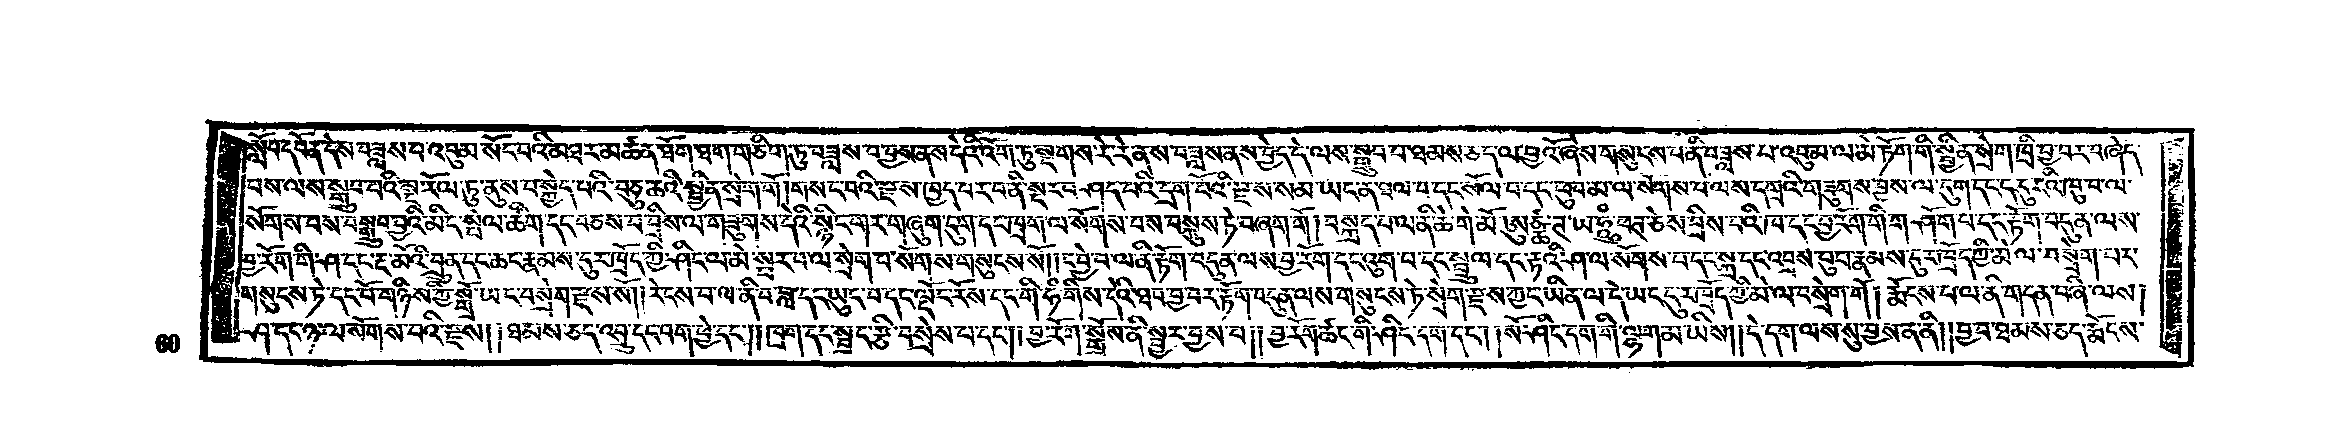སློབ་དཔོན་དེས་བཟླས་པ་འབུམ་སོང་བའི་མཐར་མཚན་ཐོག་ཐག་གཅིག་ཏུ་བཟླས་པ་བྱས་ནས་དེའི་འོག་ཏུ་སྔགས་རེ་རེ་ནས་བཟླས་ནས་བྱེད་དེ་ལས་སྒྲུབ་པ་ཐམས་ཅད་ལ་བྱའོ་ཞེས་གསུངས་པ་ནི་བཟླས་པ་འབུམ་ལ་མེ་ཏོག་གི་སྦྱིན་སྲེག་ཁྲི་བྱ་བར་བཞེད་
པས་ལས་སྒྲུབ་པའི་སྔ་རོལ་ཏུ་ནུས་པ་སྐྱེད་པའི་བཅུ་ཆའི་སྦྱིན་སྲེག་གོ །གསང་བའི་རྫས་ཁྱད་པར་བ་ནི་སྔར་བཤད་པའི་དྲག་པོའི་རྫས་སམ་ཡང་ན་ཐལ་བ་དང་སོལ་བ་དང་ཕུབ་མ་ལ་སོགས་པ་ལས་དགྲའི་གཟུགས་བྱས་ལ་དུག་དང་ད་དུ་རའི་ཁུ་བ་ལ་
སོགས་པས་བསྒྲུབ་བྱའི་མིད་སྤེལ་ཚིག་དང་བཅས་པ་བྲིས་ལ་གཟུགས་དེའི་སྙིང་གར་གཞུག་དུག་དང་ཁྲག་ལ་སོགས་པས་བསྐུས་ཏེ་བཞག་གོ །བསྐྲད་པ་ལ་ནི་ཆེ་གེ་མོ་ཨུཙྪ་ཊ་ཡ་ཧཱུཾ་ཕཊ་ཅེས་བྲིས་པའི་ཁ་དང་བྱ་རོག་གི་གཤོག་པ་དང་རྟོག་བདུན་ལས་
བྱ་རོག་གི་ཤ་དང་རྔ་མོའི་བྲུན་དང་ཆང་རྣམས་དུར་ཁྲོད་ཀྱི་ཤིང་ལ་མེ་སྦར་བ་ལ་སྲེག་པ་སོགས་གསུངས་སོ། །དབྱེ་བ་ལ་ནི་རྟོག་བདུན་ལས་བྱ་རོག་དང་འུག་པ་དང་སྦྲུལ་དང་རྟའི་ཤ་ལ་སོགས་པ་དང་སྐྲ་དང་འབྲས་བུབ་རྣམས་དུར་ཁྲོད་ཀྱི་མེ་ལ་བསྲེག་པར་
གསུངས་ཏེ་དང་པོ་གཉིས་ཀྱི་སྒྲོ་ཡང་བསྲེག་རྫས་སོ། །རེངས་པ་ལ་ནི་བ་བླ་དང་ཡུང་བ་དང་ལྡོང་རོས་དང་གི་ཧཾ་གིས་དེའི་ཐབ་བྱ་བར་རྟོག་བདུན་ལས་གསུངས་ཏེ་སྲེག་རྫས་ཀྱང་ཡིན་ལ་དེ་ཡང་དུར་ཁྲོད་ཀྱི་མེ་ལ་བསྲེག་གོ །རྨོངས་པ་ལ་ནི་གདན་བཞི་ལས།
ཤ་དང་ཉ་ལ་སོགས་པའི་རྫས། །ཐམས་ཅད་འབྲུ་དང་བག་ཕྱེ་དང་། །ཁྲག་དང་སྦྲང་རྩི་བསྲེས་པ་དང་། །བྱ་རོག་སྒྲོས་ནི་སྦྱར་བྱས་པ། །བྱ་རོག་ཚང་གི་ཤིང་དག་དང་། །སོ་ཤིང་དག་གི་ལྷག་མ་ཡིས། །དེ་དག་ལས་སུ་བྱས་ན་ནི། །བྱ་བ་ཐམས་ཅད་རྨོངས་